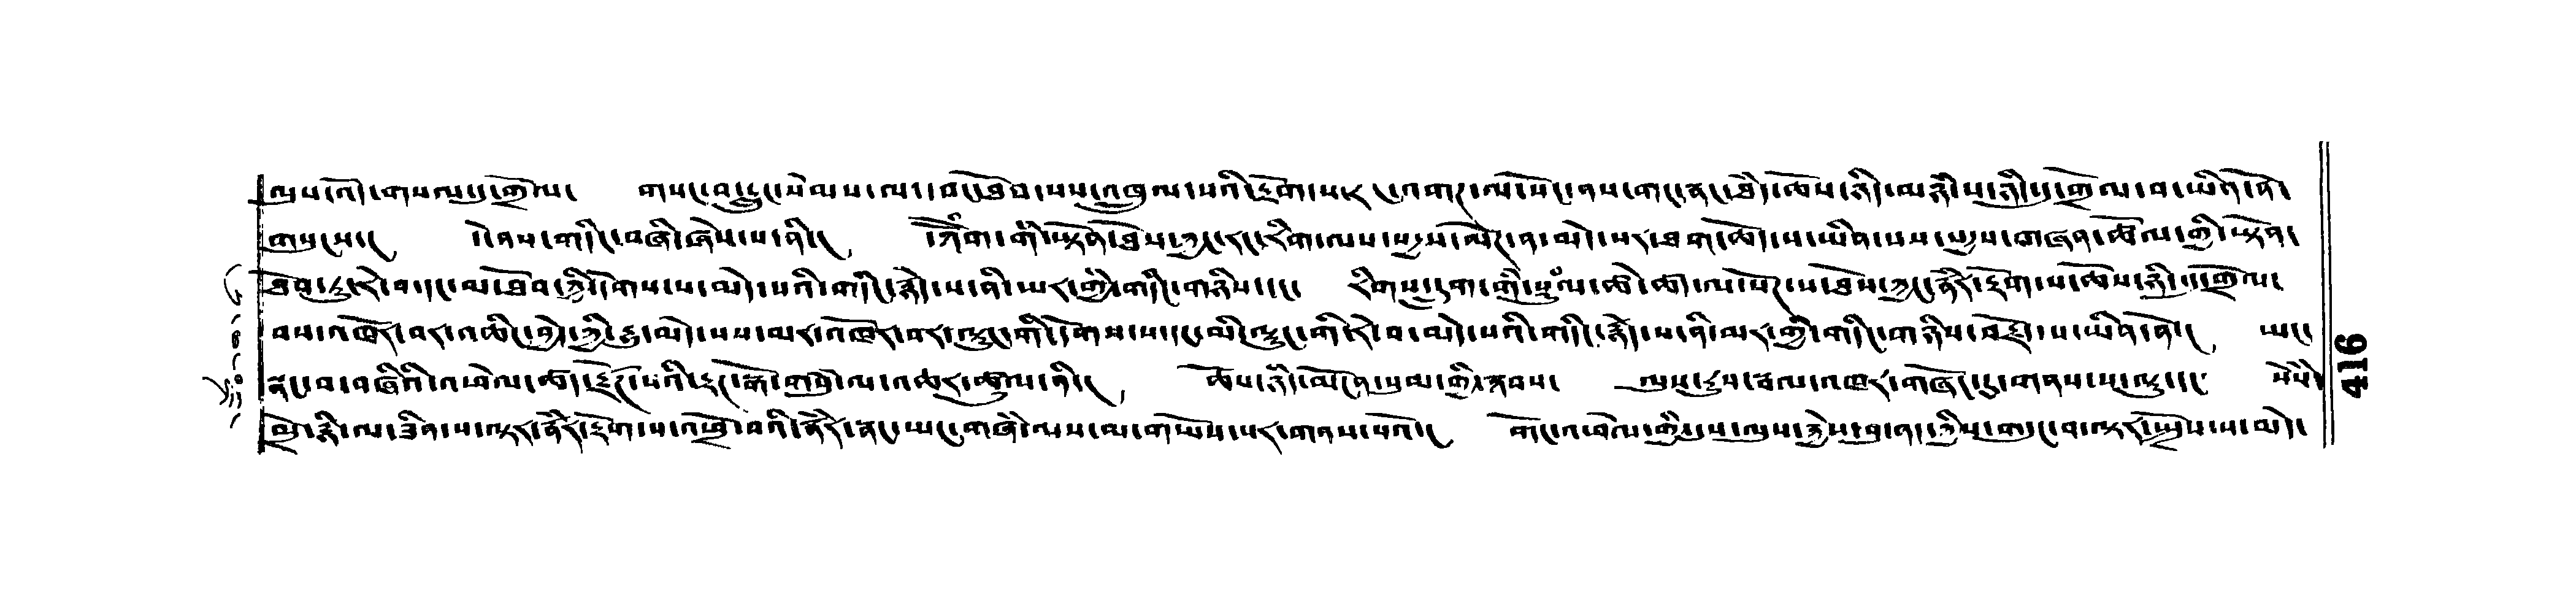ལུས་འོད་གསལ་དུ་གྲོལ། གསང་བ་རླུང་སེམས་ལ་དབང་ཐོབ་པས་འཁྲུལ་པའི་རྟོག་པ་རང་འགགས་ལ་སོང་ནས་གང་སྣང་ཐམས་ཅད་ཆོས་ཉིད་མཉམ་དུ་གྲོལ་བ་ཡིན་ནོ་
གསུངས། དེ་ནས་གདིང་བཞི་ཞེས་པ་ནི། དཀོན་མཆོག་གིས་ཡོན་ཏན་ཐོས་ཀྱང་རང་རིག་ལས་སངས་རྒྱས་ལོགས་ན་མེད་པར་ཐག་ཆོད་པ་ཡིན་པས་སངས་རྒྱས་གཞན་ཚོལ་གྱི་ཡོན་ཏན་
ཐོབ་ཏུ་རེ་བ་དང་མ་ཐོབ་ཀྱི་དོགས་པ་མེད་པའི་གདིང་རྙེད་པ་ནི་ཡར་གྱི་གདིང་གཉིས་དང་།རིགས་དྲུག་གི་སྡུག་བསྔལ་ཚེ་ཚད་ལ་སོགས་པ་ཐོས་ཀྱང་རྣམ་པར་རྟོག་པ་ཆོས་ཉིད་དུ་གྲོལ་
བས་འཁོར་བར་འཆིང་བྱེད་ཀྱི་རྒྱུ་མེད་པས་མར་འཁོར་བར་ལྟུང་གི་དོགས་པ་དང་མི་ལྟུང་གི་རེ་བ་མེད་པའི་གདིང་རྙེད་པ་ནི་མར་གྱི་གདིང་གཉིས་བརྗོད་པ་ཡིན་ནོ། ཡང་
སྣང་བ་བཞིའི་འཕེལ་ཚད་རྫོགས་པའི་རྟགས་སྒོ་གསུམ་ལ་འཆར་ཚུལ་ནི། ཆོས་ཉིད་མངོན་སུམ་གྱི་སྐབས། ལུས་རུས་སྦལ་འཁར་གཞོང་དུ་གནས་པ་ལྟ་བུ་དང་། སེམས་མཁའ་
འགྲོ་རྙི་ལ་ཟིན་པ་ལྟར་རྣམ་པར་རྟོག་པ་འཕྲོ་བའི་རྣམ་པར་སྣང་ཡང་གཞི་ལས་མ་གཡོས་པར་གནས་པའོ། གོང་འཕེལ་གྱི་དུས་ལུས་སྐྱེས་བུ་ནད་ཀྱིས་གདུང་བ་ལྟར་སྤྲོས་པ་མེད་